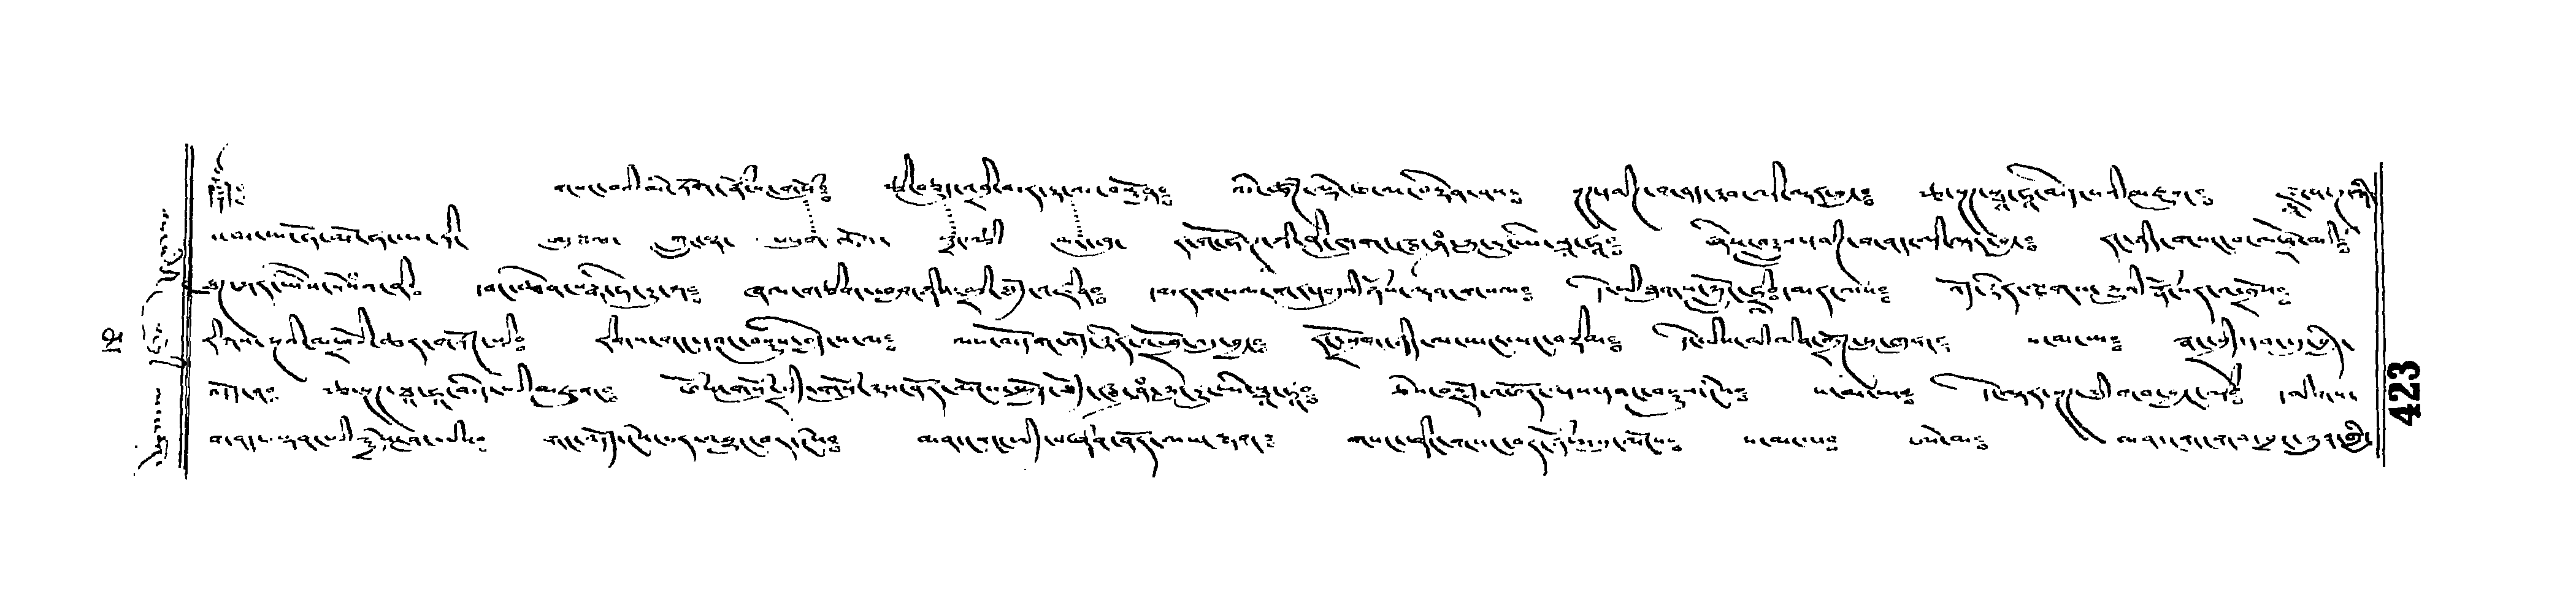གསང་བའི་མེ་ཏོག་རྣམ་པ་གསུམ༔ རྩི་བཅུད་འབྲི་མར་རྟ་ལ་བསྐྱོན༔མེ་ཚོགས་ལྡེ་ཁ་ལ་བརྟེན་ནས༔ སྔགས་དམིགས་གནད་ཟབ་འདི་ལྟར་བྱ༔ རྩ་སྔགས་སྭཱ་ཧཱ་མེད་པའི་མཇུག༔ ཛྙཱ་ན་ཌཱ་ཀི་
ས་མ་ཡ་ཧོ་མོ་ཧ་ཡ་ཏི་ར་ག་ཧོ་ཌཱ་ཀི་ནི་ཁུག་ཝ་ཤཾ་ཀུ་རུ་ཡེ་སྭཱ་ཧཱཿ ཞེས་བཟླས་དམིགས་གནད་འདི་ལྟར་བྱ༔ རང་ཉིད་གསང་བ་མཁའ་འགྲོ་མའི༔ 
ཐུགས་ཀར་ཡེ་ཤེས་སེམས་དཔའ་ནི༔ དབང་ཆེན་པདྨ་ཧེ་རུ་ཀ༔ ཞལ་གཅིག་ཕྱག་གཉིས་གྲི་ཐོད་འཛིན༔ དམར་གསལ་གར་དགུའི་ཉམས་ལྡན་གསལ༔ དེ་ཡི་ཐུགས་ཀློང་ཧྲཱིཿདམར་ལས༔ འོད་ཟེར་ལྕགས་ཀྱུའི་རྣམ་པར་འཕྲོས༔ 
རིགས་ལྔའི་མཁའ་འགྲོའི་ཆར་གཏོགས་པའི༔ རིགས་གང་དབང་བསྡུད་བྱེད་པ་ལ༔ ལས་མདོག་འོད་ཟེར་འཕྲོ་འདུ་བྱ༔ རང་སྲོག་ཉིད་ལ་ཡང་ཡང་བསྟིམ༔ དེ་ཡིས་མི་མིན་གྲོགས་སུ་ཁུག༔ ས་མ་ཡ༔ སྣང་སྲིད་དབང་དུ་བྱེད་
འདོད་ན༔ རྩ་སྔགས་སྭཱ་ཧཱ་མེད་པའི་མཇུག༔ ཁམས་གསུམ་སྲིད་གསུམ་ཟས་ནོར་ལོངས་སྤྱོད་ཐམས་ཅད་ཝ་ཤཾ་ཀུ་རུ་ཡེ་སྭཱ་ཧཱཿ ཅེས་བརྗོད་འཁོར་འདས་དབང་བསྡུས་ངེས༔ ས་མ་ཡ༔ དེ་ལྟར་སྔགས་ཀྱི་གབ་བྱང་འདི༔ དམིགས་
གནད་ལྡན་པའི་སྐྱེས་བུ་ཡིས༔ གང་འདོད་ངེས་པར་འབྱུང་བར་ངེས༔ མན་ངག་ཡིད་བཞིན་ནོར་ལས་ལྷག༔ གསང་ཞིང་གསང་བར་ཉམས་སུ་ལོངས༔ ས་མ་ཡ༔ ཨེ་མ༔ མན་ངག་གབ་བྱང་ཀུན་གྱི་